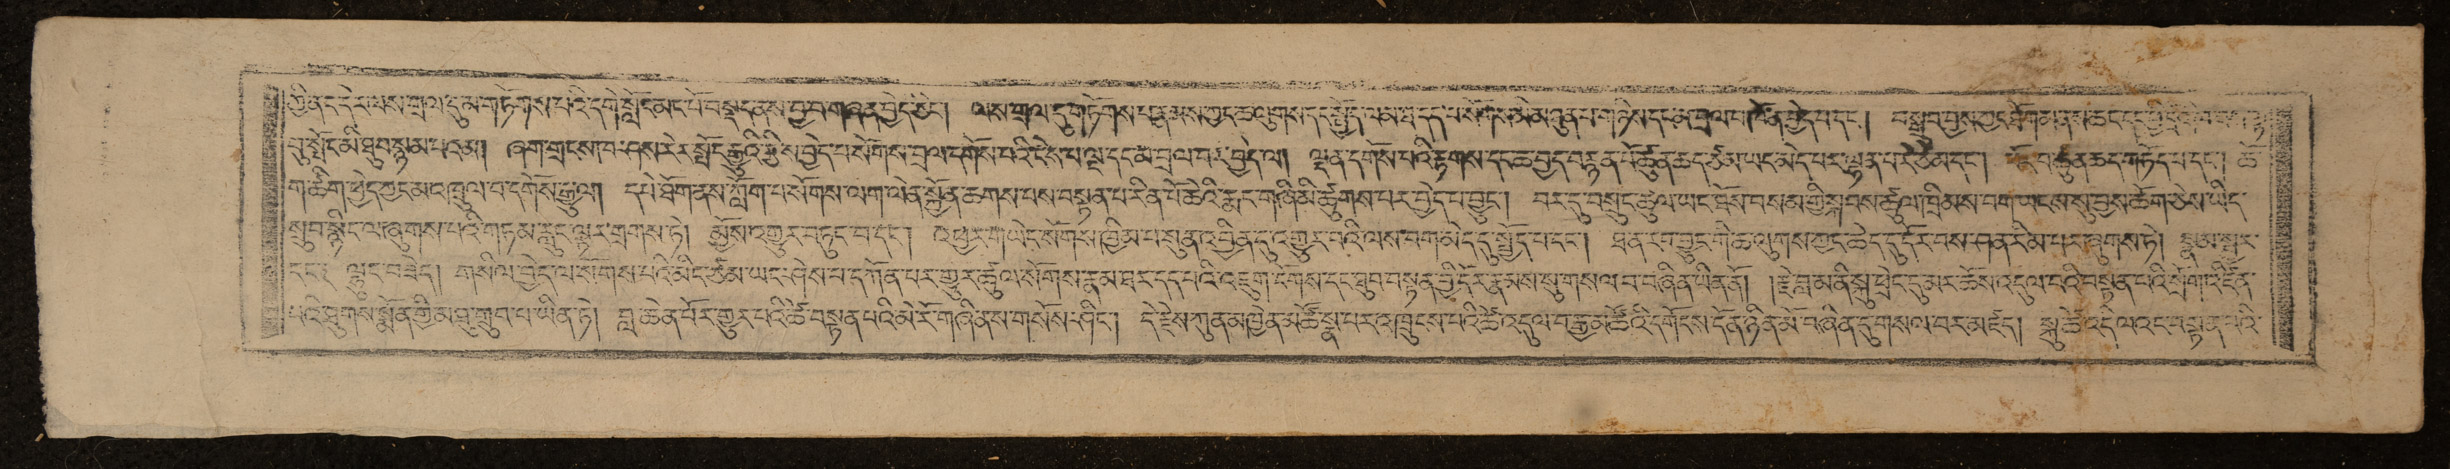ཀྱི་ནང་དེར་ལས་གྲལ་དུ་མ་གཏོགས་པའི་དགེ་སློང་མང་པོ་བསྡད་ནས་བྱ་བ་གཞན་བྱེད་ཅིང་། ལས་གྲལ་དུ་གཏོགས་བ་རྣམས་ཀྱང་ཆ་ལུགས་དང་སྤྱོད་ལམ་ཐ་དད་བ་སོགས་མི་མཐུན་པ་གཉིས་དང་མ་བྲལ་བ་ཁོན་བྱེད་བ་དང་། བསྒྲུབ་བྱས་ཀྱང་ཐོག་མ་ནས་ཆང་དང་ཕྱི་དྲོའི་ཁ་ཟས་ལྟ་
བུ་སྤོང་མི་ཐུབ་སྙམ་པའམ། ཞག་གྲངས་ཁ་ཤས་རེར་སྤོང་རྒྱུའི་རྩིས་བྱེད་པ་སོགས་བྲལ་དགོས་པའི་ངེས་པ་ལྔ་དང་མ་བྲལ་བར་བྱེད་ལ། ལྡན་དགོས་བའི་རྟགས་དང་ཆ་བྱད་བརྙན་པོ་ཚུན་ཆད་ཙམ་ཡང་མེད་པར་ལྷན་པ་རེ་ཙམ་དང་། ཕོར་པ་ཚུན་ཆད་གཏོད་པ་དང་། ཆེ་
ག་ཚིག་ཕྱེད་ཀྱང་མ་འཁྲུལ་བ་དགོས་རྒྱུལ། དཔེ་ཐོག་ནས་ཀློག་པ་སོགས་ལག་ལེན་སྐྱོན་ཆགས་བས་བསྟན་པ་རིན་པོ་ཆེའི་རྨང་གཞི་མི་ཚུགས་པར་བྱེད་པ་བྱུང་། བར་དུ་བསྲུང་ཚུལ་ཡང་ཐོས་བསམ་གྱི་སྐབས་ཚུལ་ཁྲིམས་བག་ཡོངས་སུ་བྱས་ཆོག་ཅེས་ཡིད་སྲུབ་སྙིང་
ལ་ཞུགས་པའི་གཏམ་རླུང་ལྟར་གྲགས་ཏེ། མྱོས་འགྱུར་བཏུང་བ་དང་། འཕྱར་གཡེང་སོགས་ཁྱིམ་པ་སུན་འབྱིན་དུ་འགྱུར་པའི་ལས་བག་མེད་དུ་སྤྱོད་བ་དང་། ཐན་རབ་བྱུང་གི་ཆ་ལུགས་ཀྱང་ཆེད་དུ་དོར་བས་ཤན་རིམ་པར་ཞུགས་ཏེ། སྣམ་སྦྱར་
དང༑ ལྷུང་བཟེད། གསིལ་བྱེད་ལ་སོགས་པའི་མིང་ཙམ་ཡང་ཤེས་པ་དཀོན་པར་གྱུར་ཚུལ་སོགས་རྣམ་ཐར་དད་པའི་འཇུག་ངོགས་དང་ཐུབ་བསྟན་བྱི་དོར་རྣམས་སུ་གསལ་བ་བཞིན་ཡིན་ནོ། །རྗེ་བླ་མ་ནི་སྐུ་ཕྲེང་དུ་མར་ཆོས་འདུལ་བའི་བསྟན་བའི་སྲོག་འཛིན་
བའི་ཐུགས་སྨོན་གྱི་མཐུ་གྲུབ་པ་ཡིན་ཏེ། བླ་ཆེན་པོར་གྱུར་པའི་ཚེ་བསྟན་པའི་མེ་རོ་གཞི་ནས་གསོས་ཤིང་། དེ་རྗེས་ཀུན་མཁྱེན་མཚོ་སྣ་པར་འཁྲུངས་པའི་ཚེ་འདུལ་བརྒྱ་མཚོའི་དགོངས་དོན་ཉིན་མོ་བཞིན་དུ་གསལ་བར་མཛད། སྐུ་ཚེ་འདི་ལའང་བསྟན་བའི་